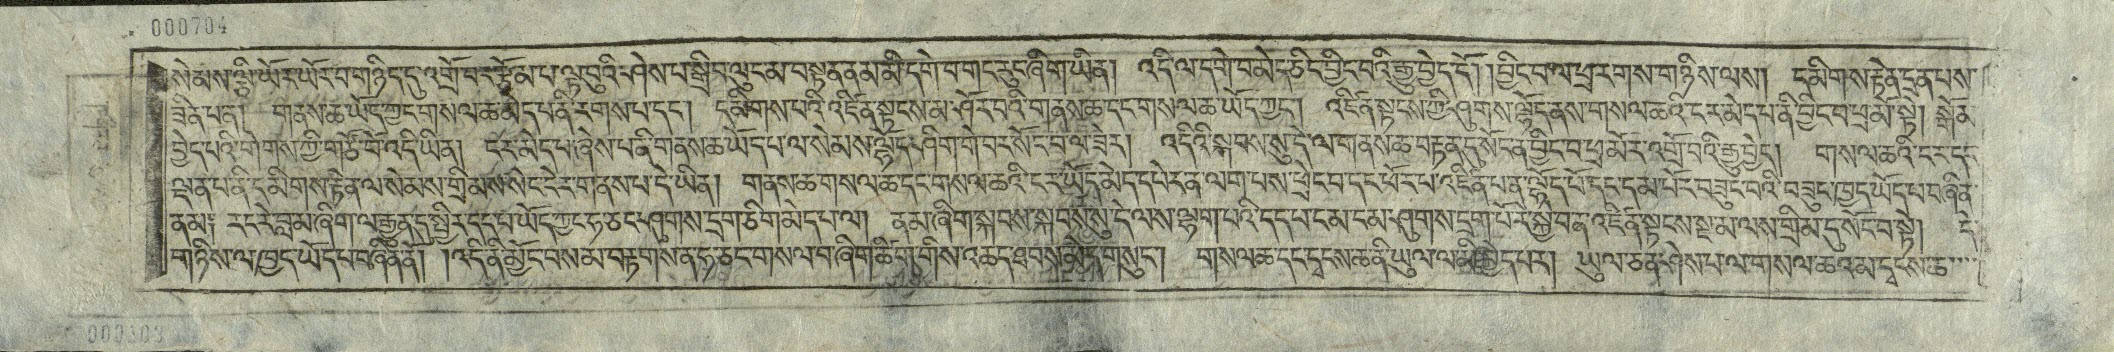སེམས་ལྕི་ཡོར་ཡོར་བ་གཉིད་དུ་འགྲོ་བར་རྩོམ་པ་ལྟ་བུའི་ཤེས་པ་སྒྲིབ་ལུང་མ་བསྟན་ནམ་མི་དགེ་བ་གང་རུང་ཞིག་ཡིན། འདི་ལ་དགེ་བ་མེད་ཅིང་བྱིང་བའི་རྒྱུ་བྱེད་དོ། །བྱིང་བ་ལ་ཕྲ་རགས་གཉིས་ལས། དམིགས་རྟེན་དྲན་པས་
ཟིན་པ་ན། གནས་ཆ་ཡོད་ཀྱང་གསལ་ཆ་མེད་པ་ནི་རགས་པ་དང་། དམིགས་པའི་འཛིན་སྟངས་མ་ཤོར་བའི་གནས་ཆ་དང་གསལ་ཆ་ཡོད་ཀྱང་། འཛིན་སྟངས་ཀྱི་ཤུགས་ལྷོད་ནས་གསལ་ཆའི་ངར་མེད་པ་ནི་བྱིང་བ་ཕྲ་མོ་སྟེ། སྒོམ་
བྱེད་པའི་གེགས་ཀྱི་གཙོ་བོ་འདི་ཡིན། ངར་མེད་པ་ཞེས་པ་ནི་གནས་ཆ་ཡོད་པ་ལ་སེམས་ལྷོད་ཤིག་གེ་བར་སོང་བ་ལ་ཟེར། འདིའི་སྐབས་སུ་དེ་ལ་གནས་ཆ་བརྟན་དུ་སོང་ན་བྱིང་བ་ཕྲ་མོར་འགྲོ་བའི་རྒྱུ་བྱེད། གསལ་ཆའི་ངར་དང་
ལྡན་པ་ནི་དམིགས་རྟེན་ལ་སེམས་གྲིམས་སེང་ངེར་གནས་པ་དེ་ཡིན། གནས་ཆ་གསལ་ཆ་དང་གསལ་ཆའི་ངར་ཡོད་མེད་དཔེར་ན་ལག་པས་ཕྲེང་བ་དང་ཕོར་པ་འཛིན་པ་ན་ལྷོད་པོ་དང་དམ་པོར་བཟུང་བའི་བཟུང་ཁྱད་ཡོད་པ་བཞིན་
ནམ༑ རང་རེ་བླ་མ་ཞིག་ལ་རྒྱུན་དུ་སྤྱིར་དད་པ་ཡོད་ཀྱང་ཧ་ཅང་ཤུགས་དྲག་ཅིག་མེད་པ་ལ། ནམ་ཞིག་སྐབས་སྐབས་སུ་དེ་ལས་ལྷག་པའི་དད་པ་ངམ་ངམ་ཤུགས་དྲག་པོ་རེ་སྐྱེ་བ་ན་འཛིན་སྟངས་སྔ་མ་ལས་གྲིམ་དུ་སོང་བ་སྟེ། དེ་
གཉིས་ལ་ཁྱད་ཡོད་པ་བཞིན་ནོ། །འདི་ནི་མྱོང་བསམ་བརྟགས་ན་ཧ་ཅང་གསལ་བ་ཞིག་ཚིག་གིས་འཆད་ཐབས་མེད་གསུང་། གསལ་ཆ་དང་དྭངས་ཆ་ནི་ཡུལ་ལ་མི་བྱེད་པར། ཡུལ་ཅན་ཤེས་པ་ལ་གསལ་ཆའམ་དྭངས་ཆ་